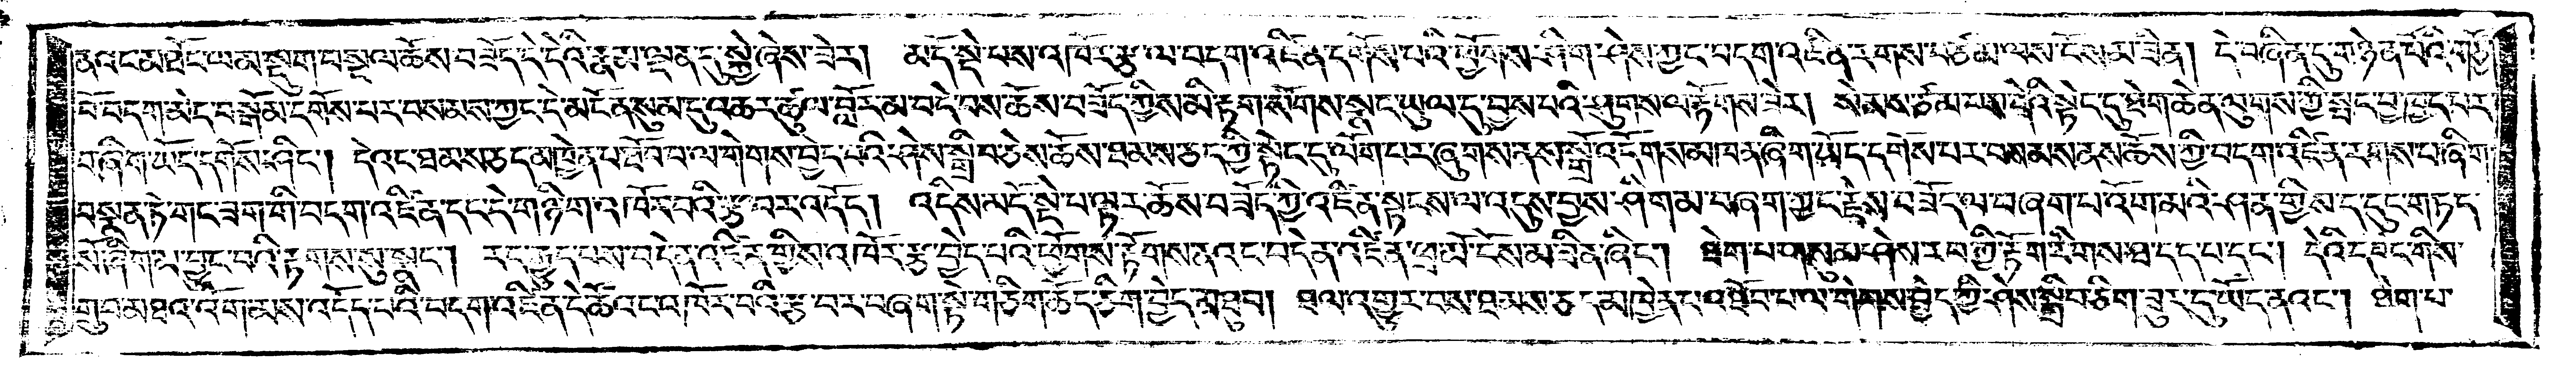ནའང་མཐོང་ལམ་སྡུག་བསྔལ་ཆོས་བཟོད་དེ་དེའི་རྣམ་ལྡན་དུ་སྐྱེ་ཞེས་ཐེར། མདོ་སྡེ་པས་འཁོར་རྩེ་ལ་བདག་འཛིན་དགོས་པའི་ཕྱོགས་ཤིག་ཤེས་ཀྱང་བདག་འཛིན་རགས་པ་ཙམ་ལས་ངེས་མ་ཟིན། དེ་བཞིན་དུ་གཉེན་པོའི་གཙོ་
བོ་བདག་མེད་བསྒོམ་དགོས་པར་བསམས་ཀྱང་དེ་མངོན་སུམ་དུ་འཆར་ཚུལ་བློར་མ་བདེ་བས་ཆོས་བཟོད་ཀྱིས་མི་རྟག་སོགས་སྣང་ཡུལ་དུ་བྱས་པའི་ཤུགས་ལ་རྟོགས་ཟེར། སེམས་ཙམ་པས་དེའི་སྟེང་དུ་ཐེག་ཆེན་ལུགས་ཀྱི་སྤང་བྱ་ཁྱད་པར་
གཞིག་ཡོད་དགོས་ཤིང་། དེའང་ཐམས་ཅད་མཁྱེན་པ་ཐོབ་པ་ལ་འགེགས་བྱེད་བའི་ཤེས་སྒྲིབ་ཅེས་ཆོས་ཐམས་ཅད་ཀྱི་སྟེང་དུ་ལོག་པར་ཞུགས་ནས་སྒྲོ་འདོགས་མཁན་ཞིག་ཡོད་དགོས་པར་བསམས་ནས་ཆོས་ཀྱི་བདག་འཛིན་དྲགས་པ་ཞིག་
བསྣན་ཏེ་གང་ཟག་གི་བདག་འཛིན་དང་དེ་གཉི་ག་འཁོར་བའི་རྩ་བར་འདོད། འདིས་མདོ་སྡེ་པ་ལྟར་ཆོས་བཟོད་ཀྱི་འཛིན་སྟངས་ལ་འདུས་བྱས་ཤིག་མ་བཞག་ཀྱང་རྗེས་བཟོད་ལ་བཞག་པ་འོག་མའི་ཤན་གྱིས་ད་དུང་གཏད་
སོ་ཞིག་མ་བྱུང་བའི་རྟགས་སུ་སྣང་། རང་རྒྱུད་པས་བདེན་འཛིན་གྱིས་འཁོར་རྩ་བྱེད་པའི་ཕྱོགས་རྟོགས་ནའང་བདེན་འཛིན་ཕྲ་མོ་ངོས་མ་ཟིན་ཞིང་། ཐེག་པ་གསུམ་ཤེས་རབ་ཀྱི་རྟོག་རིགས་ཐ་དད་པ་དང་། དེའི་དབང་གིས་
གྲུབ་མཐའ་འོག་མས་འདོད་པའི་བདག་འཛིན་དེ་ཚོའང་འཁོར་བའི་རྩ་བར་བཞག་སྟེ་གཅིག་ཆོད་ཅིག་བྱེད་མཐུབ། ཐལ་འགྱུར་བས་ཐམས་ཅད་མཁྱེན་པ་འཐོབ་པ་ལ་གེགས་བྱེད་ཀྱི་ཤེས་སྒྲིབ་ཅིག་ཟུར་དུ་ཡོད་ནའང་། ཐེག་པ་